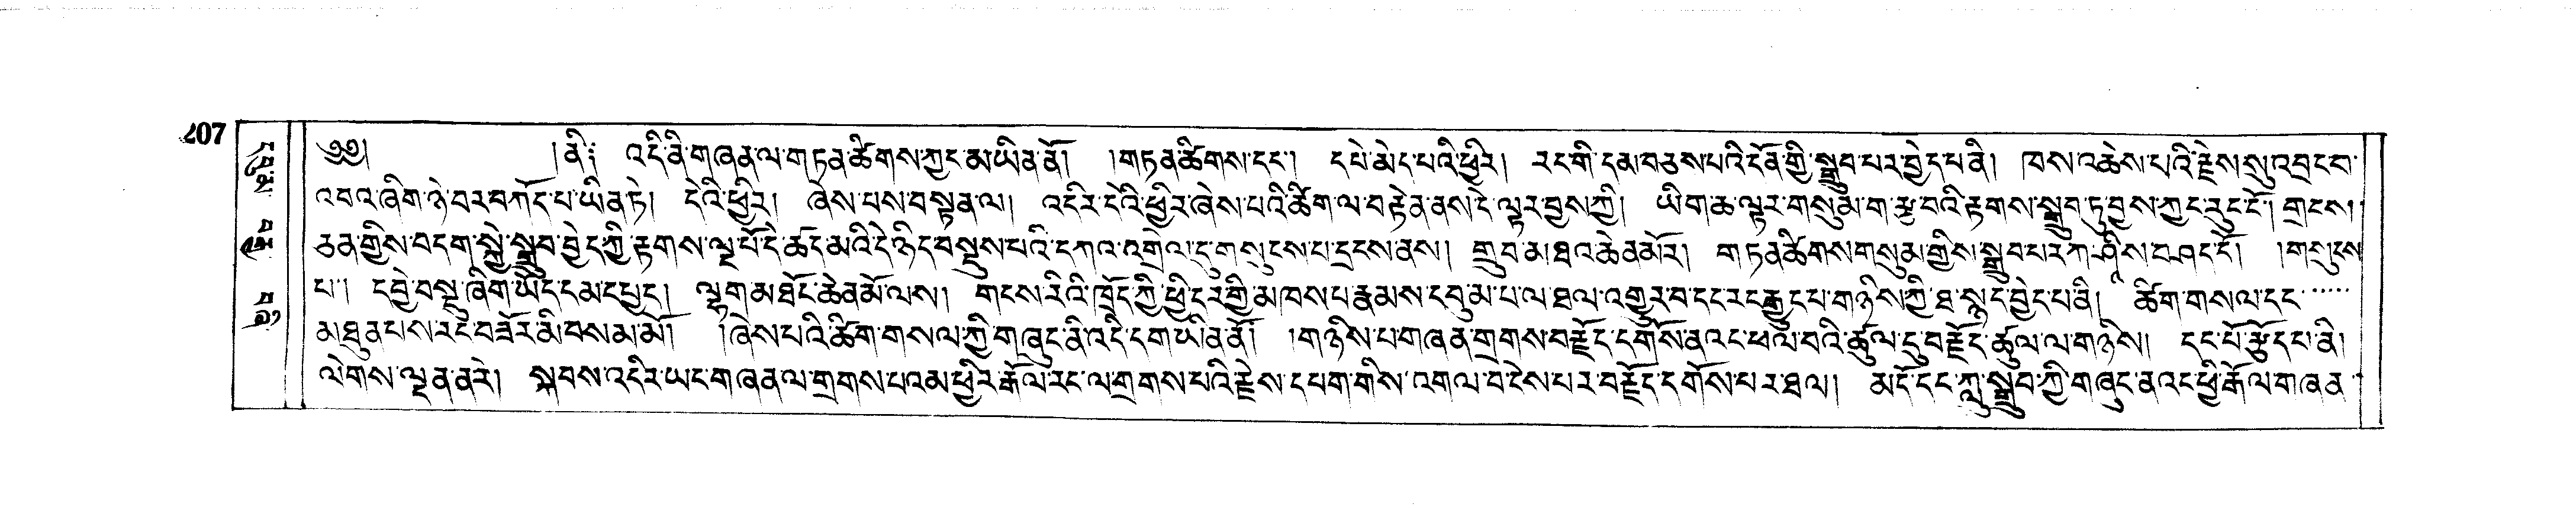༄༅། །ནི། འདི་ནི་གཞན་ལ་གཏན་ཚིགས་ཀྱང་མ་ཡིན་ནོ། །གཏན་ཚིགས་དང་། དཔེ་མེད་པའི་ཕྱིར། རང་གི་དམ་བཅས་པའི་དོན་གྱི་སྒྲུབ་པར་བྱེད་པ་ནི། ཁས་འཆེས་པའི་རྗེས་སུ་འབྲང་བ་
འབའ་ཞིག་ཉེ་བར་བཀོད་པ་ཡིན་ཏེ། དེའི་ཕྱིར། ཞེས་པས་བསྟན་ལ། འདིར་དེའི་ཕྱིར་ཞེས་པའི་ཚིག་ལ་བརྟེན་ནས་དེ་ལྟར་བྱས་ཀྱི། ཡིག་ཆ་ལྟར་གསུམ་ག་རྩ་བའི་རྟགས་སྒྲུབ་ཏུ་བྱས་ཀྱང་རུང་ངོ། གྲངས་
ཅན་གྱིས་བདག་སྐྱེ་སྒྲུབ་བྱེད་ཀྱི་རྟགས་ལྔ་པོ་དེ་ཚད་མའི་དེ་ཉིད་བསྡུས་པའི་དཀའ་འགྲེལ་དུ་གསུངས་པ་དྲངས་ནས། གྲུབ་མཐའ་ཆེན་མོར། གཏན་ཚིགས་གསུམ་གྱིས་སྒྲུབ་པར་ཀ་ཤིས་བཤད་དོ། །གསུངས་
པ། དབྱེ་བསྡུ་ཞིག་ཡོད་དམ་དཔྱད། ལྷག་མཐོང་ཆེན་མོ་ལས། གངས་རིའི་ཁྲོད་ཀྱི་ཕྱི་དར་གྱི་མཁས་པ་རྣམས་དབུ་མ་པ་ལ་ཐལ་འགྱུར་བ་དང་རང་རྒྱུད་པ་གཉིས་ཀྱི་ཐ་སྙད་བྱེད་པ་ནི། ཚིག་གསལ་དང་
མཐུན་པས་རང་བཟོར་མི་བསམ་མོ། །ཞེས་པའི་ཚིག་གསལ་གྱི་གཞུང་ནི་འདི་དག་ཡིན་ནོ། །གཉིས་པ་གཞན་གྲགས་བརྗོད་དགོས་ནའང་ཕལ་བའི་ཚུལ་དུ་བརྗོད་ཚུལ་ལ་གཉིས། དང་པོ་རྩོད་པ་ནི།
ལེགས་ལྡན་ན་རེ། སྐབས་འདིར་ཡང་གཞན་ལ་གྲགས་པའམ་ཕྱིར་རྒོལ་རང་ལ་གྲགས་པའི་རྗེས་དཔག་གིས་འགལ་བ་ངེས་པར་བརྗོད་དགོས་པར་ཐལ། མདོ་དང་ཀླུ་སྒྲུབ་ཀྱི་གཞུང་ནའང་ཕྱི་རྒོལ་གཞན་